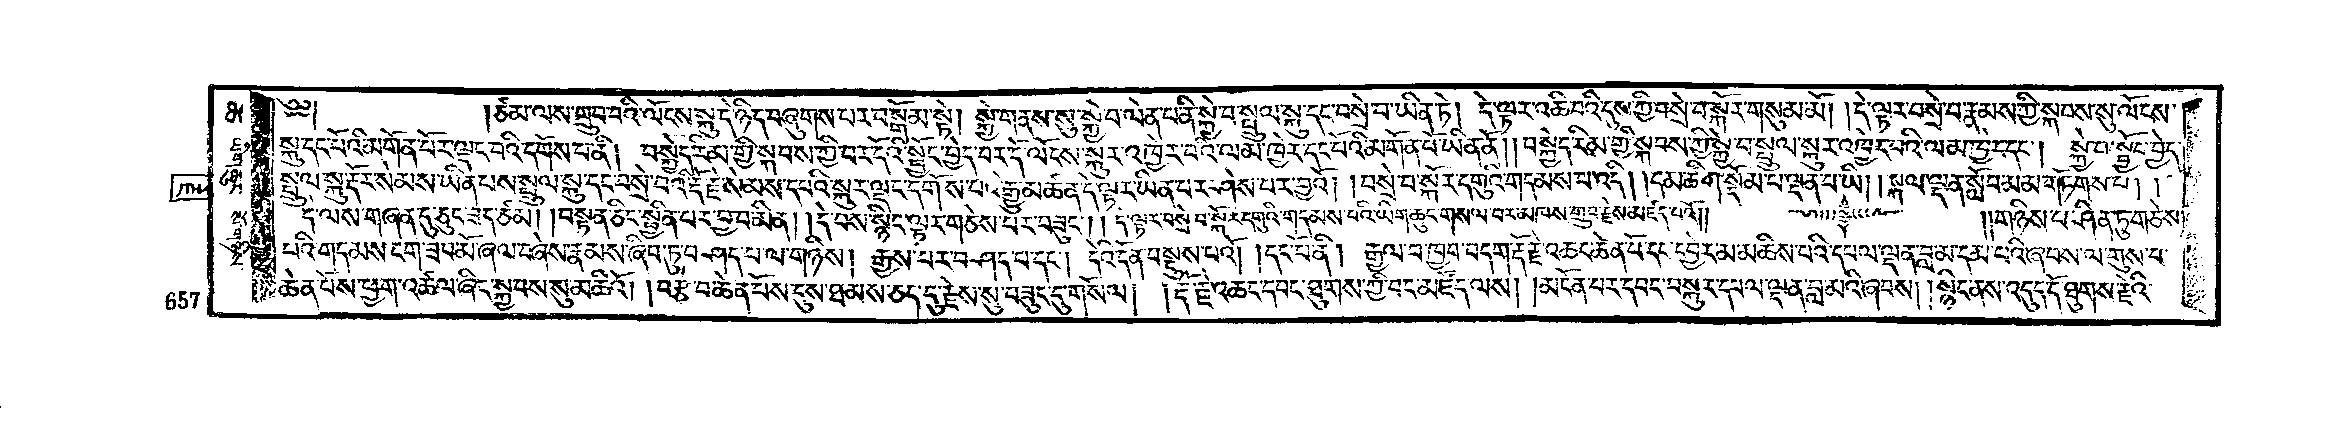༄༅། །ཙམ་ལས་གྲུབ་པའི་ལོངས་སྐུ་དེ་ཉིད་བཞུགས་པར་བསྒོམ་སྟེ། སྐྱེ་གནས་སུ་སྐྱེ་བ་ལེན་པ་ནི་སྐྱེ་བ་སྤྲུལ་སྐུ་དང་བསྲེ་བ་ཡིན་ཏེ། དེ་ལྟར་འཆི་བའི་དུས་ཀྱི་བསྲེ་བ་སྐོར་གསུམ་མོ། །དེ་ལྟར་བསྲེ་བ་རྣམས་ཀྱི་སྐབས་སུ་ལོངས་
སྐུ་དང་པོའི་མགོན་པོར་ལྡང་བའི་དགོས་པ་ནི། བསྐྱེད་རིམ་གྱི་སྐབས་ཀྱི་བར་དོའི་སྦྱོང་བྱེད་བར་དོ་ལོངས་སྐུར་འཁྱེར་བའི་ལམ་ཁྱེར་དང་པོའི་མགོན་པོ་ཡིན་ནོ། །བསྐྱེད་རིམ་གྱི་སྐབས་ཀྱི་སྐྱེ་བ་སྤྲུལ་སྐུར་འཁྱེར་བའི་ལམ་ཁྱེར་དང་། སྐྱེ་བ་སྦྱོང་བྱེད་
སྤྲུལ་སྐུ་རྡོར་སེམས་ཡིན་པས་སྤྲུལ་སྐུ་དང་བསྲེ་བའི་རྡོ་རྗེ་སེམས་དཔའི་སྐུར་ལྡང་དགོས་པའི་རྒྱུ་མཚན་དེ་ལྟར་ཡིན་པར་ཤེས་པར་བྱའོ། །བསྲེ་བ་སྐོར་དགུའི་གདམས་པ་འདི། །དམ་ཚིག་སྡོམ་པ་ལྡན་པ་ཡི། །སྐལ་ལྡན་སློབ་མ་མ་གཏོགས་པ། །
དེ་ལས་གཞན་དུ་ཅུང་ཟད་ཙམ། །བསྟན་ཅིང་སྦྱིན་པར་བྱ་བ་མིན། །དེ་བས་སྙིང་ལྟར་གཅེས་པར་བཟུང་། ། དེ་ལྟར་བསྲེ་བ་སྐོར་དགུའི་གདམས་པའི་ཡིག་ཆུང་གསལ་བར་མཁས་གྲུབ་རྗེས་མཛད་པའོ།།  ༈ །།གཉིས་པ་ཤིན་ཏུ་གཅེས་
པའི་གདམས་ངག་ཟབ་མོ་ཞལ་བཞེས་རྣམས་ཞིབ་ཏུ་བཤད་པ་ལ་གཉིས། རྒྱས་པར་བཤད་པ་དང་། དེའི་དོན་བསྡུས་པའོ། །དང་པོ་ནི། རྒྱལ་བ་ཁྱབ་བདག་རྡོ་རྗེ་འཆང་ཆེན་པོ་དང་དབྱེར་མ་མཆིས་པའི་དཔལ་ལྡན་བླ་མ་དམ་པའི་ཞབས་ལ་གུས་པ་
ཆེན་པོས་ཕྱག་འཚལ་ཞིང་སྐྱབས་སུ་མཆིའོ། །བརྩེ་བ་ཆེན་པོས་དུས་ཐམས་ཅད་དུ་རྗེས་སུ་བཟུང་དུ་གསོལ། །རྡོ་རྗེ་འཆང་དབང་ཐུགས་ཀྱི་བང་མཛོད་ལས། །མངོན་པར་དབང་བསྐུར་དཔལ་ལྡན་བླ་མའི་ཞབས། །སྙིང་ནས་འདུད་དོ་ཐུགས་རྗེའི་